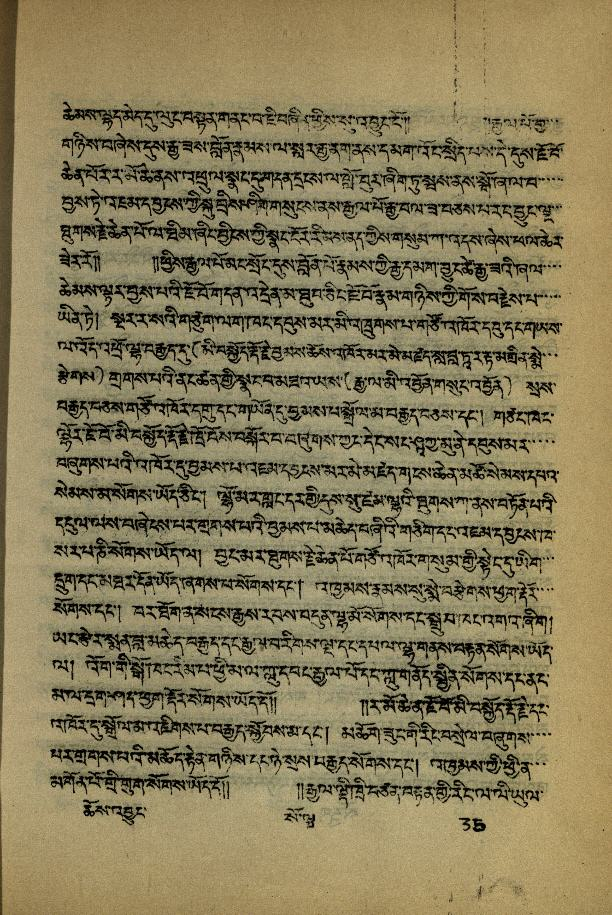ཆེམས་ལྷད་མེད་དུ་ལུང་བསྟན་གནང་བ་ཇི་བཞིན་ཕྱིས་སུ་འབྱུང་ངོ།། །།རྒྱལ་པོ་བྱ་
གཉིས་བཞེས་དུས་རྒྱ་ཟས་བློན་རྣམས་ལ་སླར་རྒྱ་ནག་ནས་དམག་འོང་སྲིད་པས་དེ་དུས་ཇོ་བོ་
ཆེན་པོར་ར་མོ་ཆེ་ནས་འཕྲུལ་སྣང་དུ་གདན་དྲངས་ལ་གློ་བུར་ཞིག་ཏུ་སྦས་ནས་སྒོ་ཞལ་བ་
བྱས་ཏེ་འཇམ་དབྱངས་ཀྱི་སྐུ་བྲིས་ཤིག་གསུངས་ནས་རྒྱལ་པོ་རྒྱ་བལ་ཟ་བཅས་པ་རང་བྱུང་ལྔ་
ཐུགས་རྗེ་ཆེན་པོ་ལ་ཐིམ་ཞིང་བྱིངས་ཀྱི་སྣང་ངོར་རིམས་ནད་ཀྱིས་གསུམ་ཀ་འདས་ཞེས་ཕལ་ཆེར་
ཟེར་རོ།། །།ཕྱིས་རྒྱལ་པོ་མང་སྲོང་དུས་བློན་པོ་རྣམས་ཀྱི་རྒྱ་དམག་བྱུང་ཚེ་རྒྱ་ཟའི་ཞལ་
ཆེམས་ལྟར་བྱས་པའི་ཇོ་བོ་གདན་འདྲེན་མ་ཐུབ་ཅིང་ཇོ་བོ་རྣམ་གཉིས་ཀྱི་གོ་ས་བརྗེས་པ་
ཡིན་ཏེ། སྔར་ར་སའི་གཙུག་ལག་ཁང་དབུས་མར་མི་འཁྲུགས་པ་གཙོ་འཁོར་དབུ་དང་གཡས་
ལ་འོད་འཕྲོ་ལྷ་བརྒྱད་དུ། མི་བསྐྱོད་རྡོ་རྗེ་བྱམས་ཆོས་འཁོར་མར་མེ་མཛད་སླ་བླ་ཏཱ་ར་རྟ་མགྲིན་སྨེ་
བརྩེགས་གྲགས་པའི་ནང་ཚན་གྱི་སྣང་བ་མཐའ་ཡས། རྒྱལ་མི་འབྱོན་གསུང་འབྱོན།  སྲས་
བརྒྱད་བཅས་གཙོ་འཁོར་དགུ་དང་གཡོན་དུ་བྱམས་པ་སྒྲོལ་མ་བརྒྱད་བཅས་དང་། གཙང་ཁང་
ལྷོར་ཇོ་བོ་མི་བསྐྱོད་རྡོ་རྗེ་ཁྲོ་བོས་བསྐོར་བ་བཞུགས་ཀྱང་དེང་སང་ཤཱཀྱ་མུ་ནེ་དབུས་མར་
བཞུགས་པའི་འཁོར་དུ་བྱམས་པ་འཇམ་དབྱངས་མར་མེ་མཛད་གང་ཆེན་མཚོ་སེམས་དཔའ་
སེམས་མ་སོགས་ཡོད་ཅིང་། ལྷོ་མར་གླང་དར་གྱི་དུས་སུ་ཛམ་ལྷའི་ཐུགས་ཀ་ནས་བཏོན་པའི་
དངུལ་ལས་བཞེངས་པར་གྲགས་པའི་བྱམས་པ་མཆེད་བཞིའི་གཅིག་དང་འཇམ་དབྱངས་ཁ་
སར་པ་ཎི་སོགས་ཡོད་ལ། བྱང་མར་ཐུགས་རྗེ་ཆེན་པོ་གཙོ་འཁོར་གསུམ་གྱི་སྟེང་དུ་ཡིག་
དྲུག་དང་མཐར་དོན་ཡོད་ཞགས་པ་སོགས་དང་། འཁྱམས་རྣམས་སུ་སྨེ་བརྩེགས་ཕྱག་རྡོར་
སོགས་དང་། བར་ཐོག་ན་སངས་རྒྱས་རབས་བདུན་ལྷ་མོ་སོགས་དང་སྒྲུབ་ཁང་འགའ་ཞིག།
ཡང་རྩེར་སྨན་བླ་མཆེད་བརྒྱད་དང་རྒྱལ་བ་རིགས་ལྔ་དང་དཔལ་ལྷ་གནས་བརྟན་སོགས་ཡོད་
ལ། འོག་གི་སྒོ་ཁང་རིམ་པ་ཕྱི་མ་ལ་ཀླུ་དབང་རྒྱལ་པོ་དང་ཀླུ་གནོད་སྦྱིན་སོགས་དང་ནང་
མ་ལ་དྲག་ཤད་ཕྱག་རྡོར་སོགས་ཡོད་དོ།། །།ར་མོ་ཆེ་ན་ཇོ་བོ་མི་བསྐྱོད་རྡོ་རྗེ་དང་
འཁོར་དུ་སྒྲོལ་མ་འཇིགས་པ་བརྒྱད་སྐྱོབས་མ་དང་། མཆོག་ཟུང་གི་རིང་བསྲེལ་བཞུགས་
པར་གྲགས་པའི་མཆོད་རྟེན་གཉིས་དང་ཉེ་སྲས་བརྒྱད་སོགས་དང་། འཁྱམས་ཀྱི་ཕྱི་ན་
མགོན་པོ་གྲི་གུག་སོགས་ཡོད་དོ།། །།རྒྱལ་ལྡི་ཁྲི་བཙན་བརྟན་གྱི་རིང་ལ་ལི་ཡུལ་